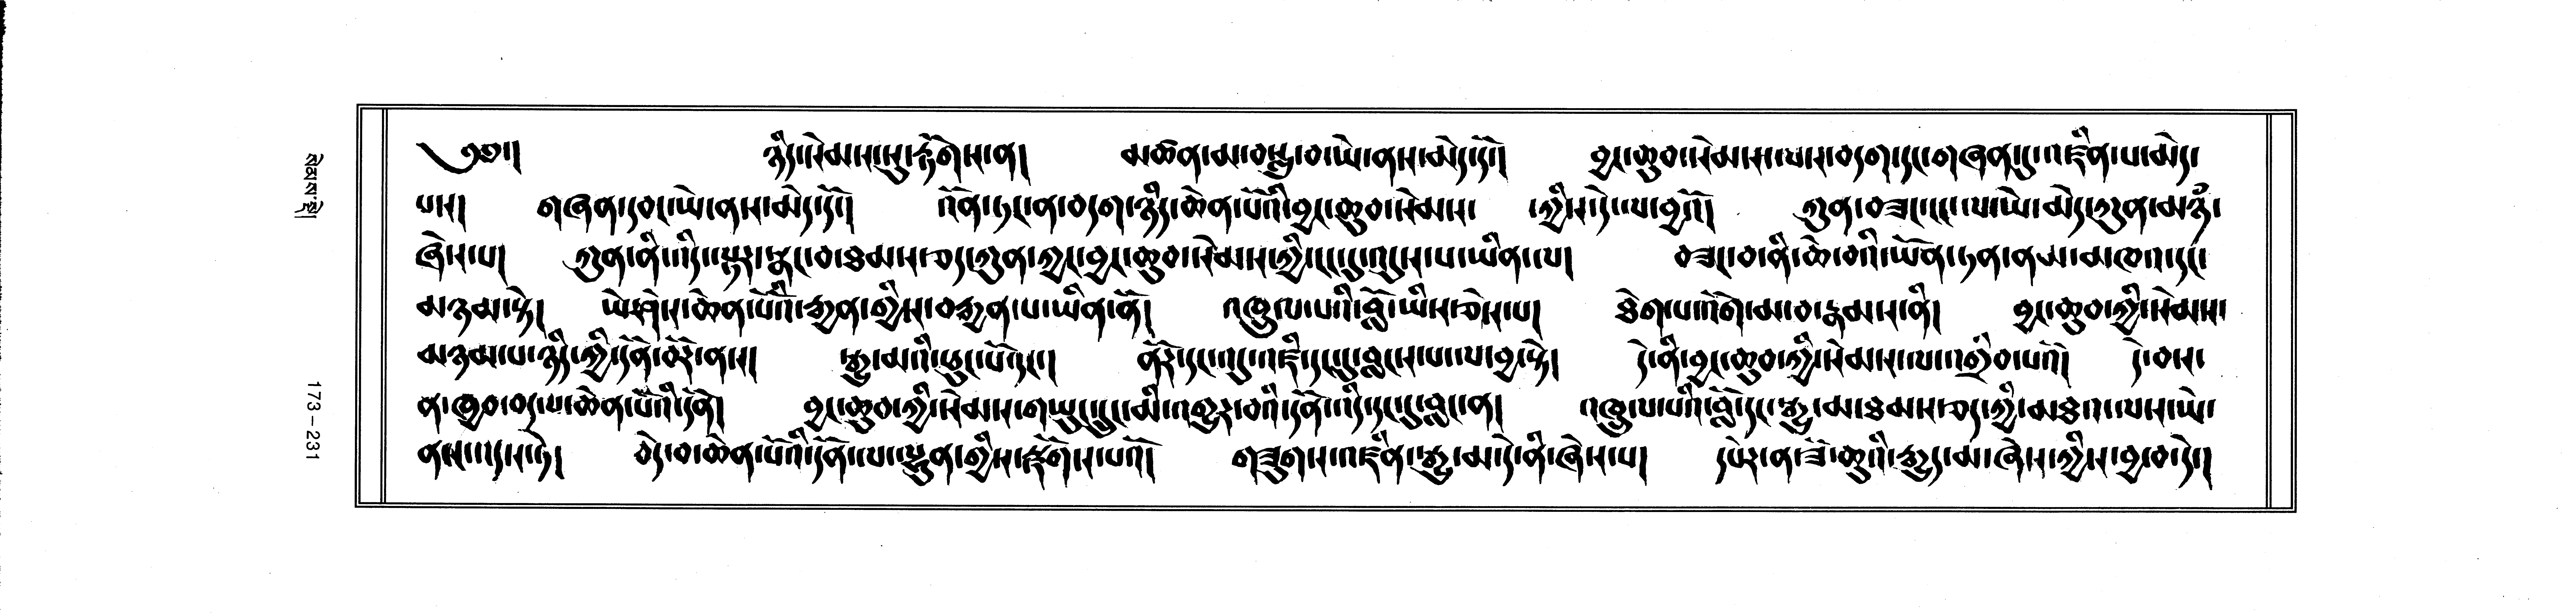ཉིད་སེམས་སུ་རྟོགས་ན། མཚན་མ་བསླུ་བ་ཡེ་ནས་མེད་དོ། །བྱང་ཆུབ་སེམས་ལས་བདག་དང་གཞན་དུ་འཛིན་པ་མེད་
པས། གཞན་དབང་ཡེ་ནས་མེད་དོ། །འོན་ཏང་ན་བདག་ཉིད་ཆེན་པོའི་བྱང་ཆུབ་སེམས་ཀྱིས་༼ཅེས༽དེ་ལ་བྱའོ། །ཀུན་བཟང་ངང་ལ་ཡེ་མེད་ཀུན་མཉམ་
ཞེས་པ། ཀུན་ནི་འདི་ལྟར་སྣང་བ་ཐམས་ཅད་ཀུན་ཀྱང་བྱང་ཆུབ་སེམས་ཀྱི་ངང་ལ་འདུས་པ་ཡིན་ལ། བཟང་བ་ནི་ཆེ་བའི་ཡོན་ཏན་ནམ་མཁའ་དང་
མཉམ་སྟེ། ཡེ་ཤེས་ཆེན་པོའི་རྒྱན་གྱིས་བརྒྱན་པ་ཡིན་ནོ། །འཁྲུལ་པའི་བློ་ཅེས་པ། ཐེག་པ་འོག་མ་བ་རྣམས་ནི། བྱང་ཆུབ་ཀྱི་སེམས་
མཉམ་པ་ཉིད་ཀྱི་དོན་བོར་ནས། སྒྱུ་མའི་ཕུང་པོ་དང་། ནོར་དང་འདུ་འཛི་དང་དུ་བླང་བ་ལ་བྱ་སྟེ། དེ་ནི་བྱང་ཆུབ་ཀྱི་སེམས་ལ་འགྲིབ་པའོ། །དེ་བས་
ན་ཁྱབ་བདལ་ཆེན་པོའི་དོན། བྱང་ཆུབ་ཀྱི་སེམས་གཡུང་དྲུང་མི་འགྱུར་བའི་དོན་འདི་དང་དུ་བླང་ན། འཁྲུལ་པའི་བློ་དང་སྒྱུ་མ་ཐམས་ཅད་ཀྱི་མཐའ་ལས་ཡེ་
ནས་འདས་ཏེ། བདེ་བ་ཆེན་པོའི་དོན་ལ་ལྷུན་གྱིས་རྫོགས་པའོ། །གཟུགས་འཛིན་སྒྱུ་མ་དེ་ནི་ཞེས་པ། དཔེར་ན་ཟོ་ཆུའི་རྒྱུད་མ་ཞེས་ཀྱིས་དེ་ལ་བྱ་བ་དེ།